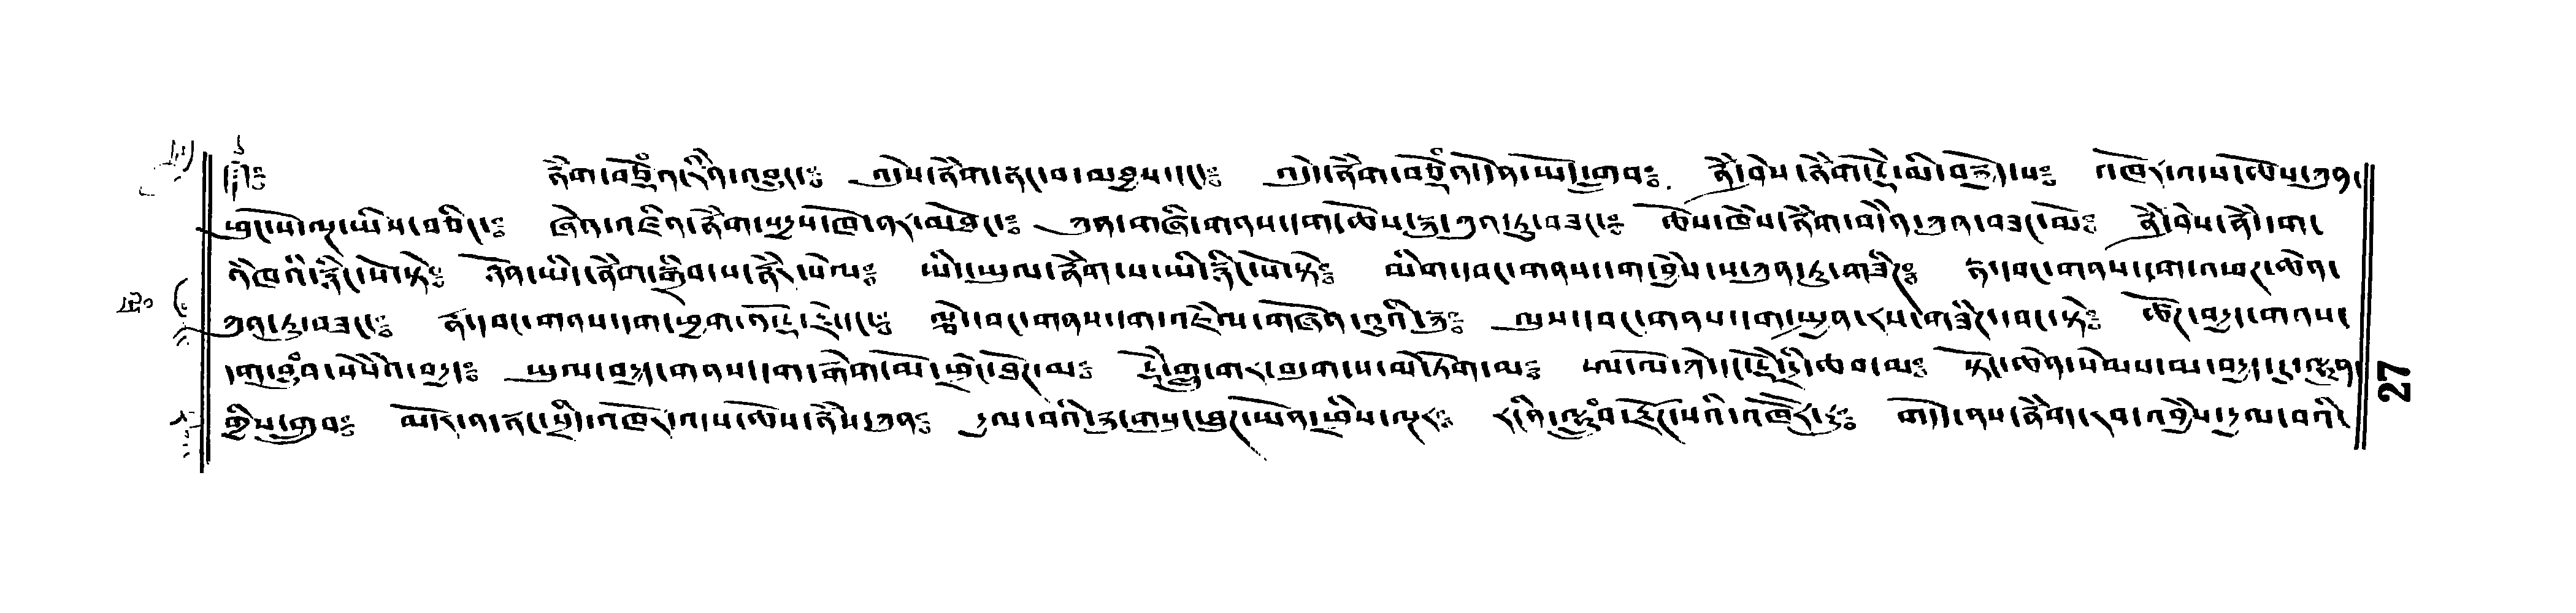རྣམ་དག་བཅོམ་ལྡན་རིན་ཆེན་འབྱུང༔ འདུ་བྱེད་རྣམ་དག་བཅོམ་ལྡན་དོན་ཡོད་གྲུབ༔ རྣམ་ཤེས་རྣམ་དག་རྡོ་རྗེ་མི་བསྐྱོད་པ༔ འཁོར་འདས་ཆོས་ཀུན་
ཕུང་པོ་ལྔ་ཡིས་བཅིངས༔ ཞེན་འཛིན་རྣམ་དག་སངས་རྒྱས་ཁོ་ནར་མཐོང༔ ཀུན་གཞི་གནས་དག་ཆོས་སྐུ་ཀུན་ཏུ་བཟང༔ ཆོས་ཁམས་རྣམ་དག་བདེ་ཆེན་ཀུན་བཟང་མོ༔ རྣམ་ཤེས་རྣམ་དག་
ནམ་མཁའི་སྙིང་པོ་སྟེ༔ ཉོན་ཡིད་རྣམ་དག་སྒྲིབ་པར་རྣམ་པར་སེལ༔ ཡིད་ཡུལ་རྣམ་དག་ས་ཡི་སྙིང་པོ་སྟེ༔ མིག་དབང་གནས་དག་བྱམས་པ་ཀུན་ཏུ་གཟིགས༔ སྣ་དབང་གནས་དག་འཕགས་ཆེན་
ཀུན་ཏུ་བཟང༔ རྣ་དབང་གནས་དག་ཕྱག་ན་རྡོ་རྗེ་དང༔ ལྕེ་དབང་གནས་དག་འཇམ་དཔལ་གཞོན་ནུའི་སྐུ༔ ལུས་དབང་གནས་དག་སྤྱན་རས་གཟིགས་དབང་སྟེ༔ ཚོགས་བརྒྱད་གནས་
དག་བྱང་ཆུབ་སེམས་དཔའ་བརྒྱད༔ ཡུལ་བརྒྱད་གནས་དག་སྒེག་མོ་ཕྲེང་ཐོགས་མ༔ རྡོ་རྗེ་གླུ་གར་བདུག་པ་མེ་ཏོག་མ༔ ཨ་ལོ་ཀེ་དང་རྡོ་རྗེ་དྲི་ཆབ་མ༔ སྟོང་ཆེན་སེམས་མ་བརྒྱད་དུ་ལྷུན་
གྱིས་གྲུབ༔ མདོར་ན་སྣང་སྲིད་འཁོར་འདས་ཆོས་རྣམས་ཀུན༔ རྒྱལ་བའི་སྐུ་གསུང་ཐུགས་ཡོན་ཕྲིན་ལས་ལྔར༔ རང་བཞིན་ལྷུན་གྲུབ་རྫོགས་པའི་འཁོར་ལོ་རུ༔ གདོད་ནས་རྣམ་དག་རབ་འབྱམས་རྒྱལ་བའི་